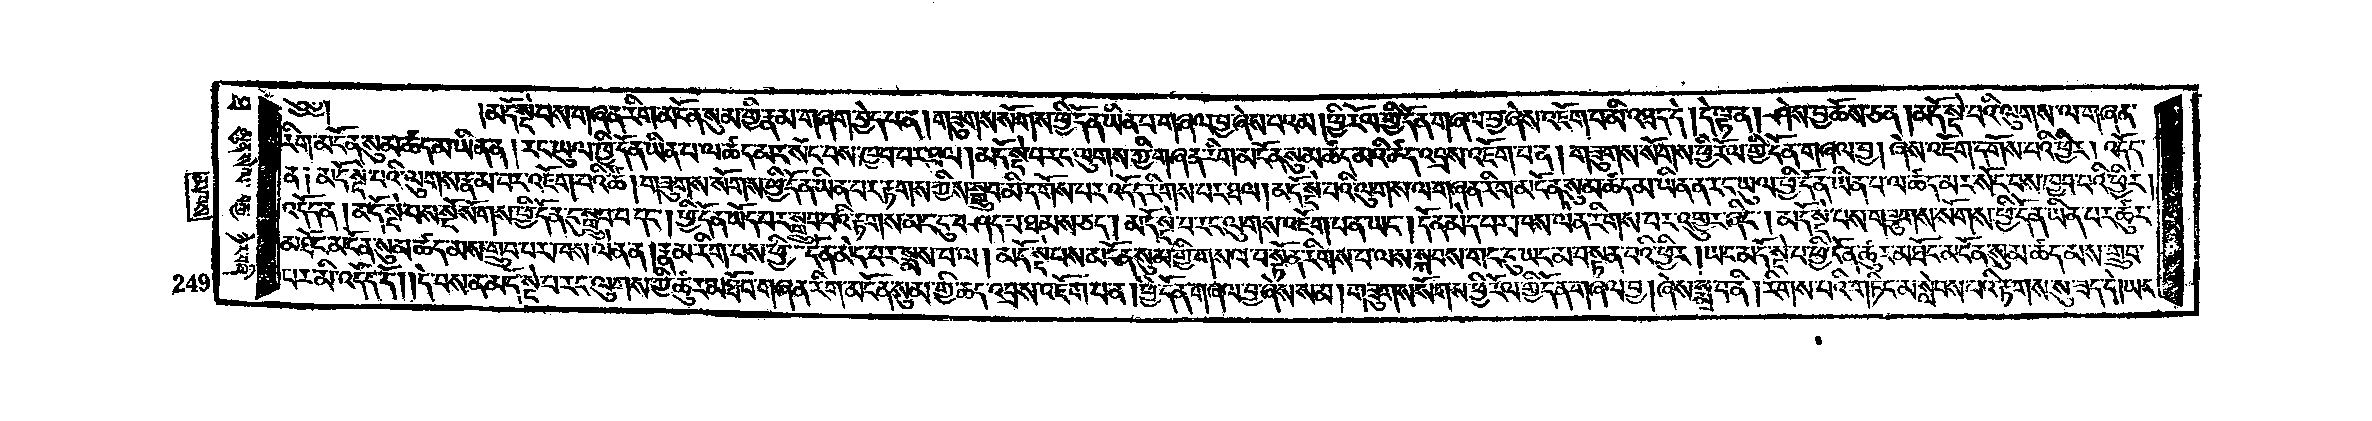༄༅། །མདོ་སྡེ་པས་གཞན་རིག་མངོན་སུམ་གྱི་རྣམ་གཞག་བྱེད་པ་ན། གཟུགས་སོགས་ཕྱི་དོན་ཡིན་པ་གཞལ་བྱ་ཞེས་པའམ། ཕྱི་རོལ་གྱི་དོན་གཞལ་བྱ་ཞེས་འཇོག་པ་མི་འཐད་དེ། དེ་ལྟ་ན། ཤེས་བྱ་ཆོས་ཅན། མདོ་སྡེ་བའི་ལུགས་ལ་གཞན་
རིག་མངོན་སུམ་ཚད་མ་ཡིན་ན། རང་ཡུལ་ཕྱི་དོན་ཡིན་པ་ལ་ཚད་མར་སོང་བས་ཁྱབ་པར་ཐལ། མདོ་སྡེ་པ་རང་ལུགས་ཀྱི་གཞན་རིག་མངོན་སུམ་ཚད་མའི་ཚད་འབྲས་འཇོག་པ་ན། གཟུགས་སོགས་ཕྱི་རོལ་གྱི་དོན་གཞལ་བྱ། ཞེས་འཇོག་དགོས་པའི་ཕྱིར། འདོད་
ན། མདོ་སྡེ་པའི་ལུགས་རྣམ་པར་འཇོག་པའི་ཚེ། གཟུགས་སོགས་ཕྱི་དོན་ཡིན་པར་རྟགས་ཀྱིས་སྒྲུབ་མི་དགོས་པར་འདོད་རིགས་པར་ཐལ། མདོ་སྡེ་པའི་ལུགས་ལ་གཞན་རིག་མངོན་སུམ་ཚད་མ་ཡིན་ན་རང་ཡུལ་ཕྱི་དོན་ཡིན་པ་ལ་ཚད་མར་སོང་བས་ཁྱབ་པའི་ཕྱིར།
འདོད་ན། མདོ་སྡེ་པས་སྔོ་སོགས་ཕྱི་དོན་དུ་སྒྲུབ་པ་དང་། ཕྱི་དོན་ཡོད་པར་སྒྲུབ་པའི་རྟགས་མང་དུ་བཤད་པ་ཐམས་ཅད། མདོ་སྡེ་པ་རང་ལུགས་འཇོག་པ་ན་ཡང་། དོན་མེད་པར་ཁས་ལེན་རིགས་པར་འགྱུར་ཞིང་། མདོ་སྡེ་པས་གཟུགས་སོགས་ཕྱི་དོན་ཡིན་པར་ཚུར་
མཐོང་མངོན་སུམ་ཚད་མས་གྲུབ་པར་ཁས་ལེན་ན། རྣམ་རིག་པས་ཕྱི་དོན་མེད་པར་སྨས་པ་ལ། མདོ་སྡེ་པས་མངོན་སུམ་གྱི་གསལ་བ་སྟོན་རིགས་པ་ལས་སྐབས་གང་དུ་ཡང་མ་བསྟན་པའི་ཕྱིར། ཡང་མདོ་སྡེ་པ་ཕྱི་དོན་ཚུར་མཐོང་མངོན་སུམ་ཚད་མས་གྲུབ་
པར་མི་འདོད་དོ། །དེ་བས་ན་མདོ་སྡེ་པ་རང་ལུགས་ཀྱི་ཚུར་མཐོང་གཞན་རིག་མངོན་སུམ་གྱི་ཚད་འབྲས་འཇོག་པ་ན། ཕྱི་དོན་གཞལ་བྱ་ཞེས་སམ། གཟུགས་སོགས་ཕྱི་རོལ་གྱི་དོན་གཞལ་བྱ། ཞེས་སྨྲ་བ་ནི། རིགས་པའི་གཏིང་མ་སློབས་པའི་རྟགས་སུ་ཟད་དོ། ཡང་